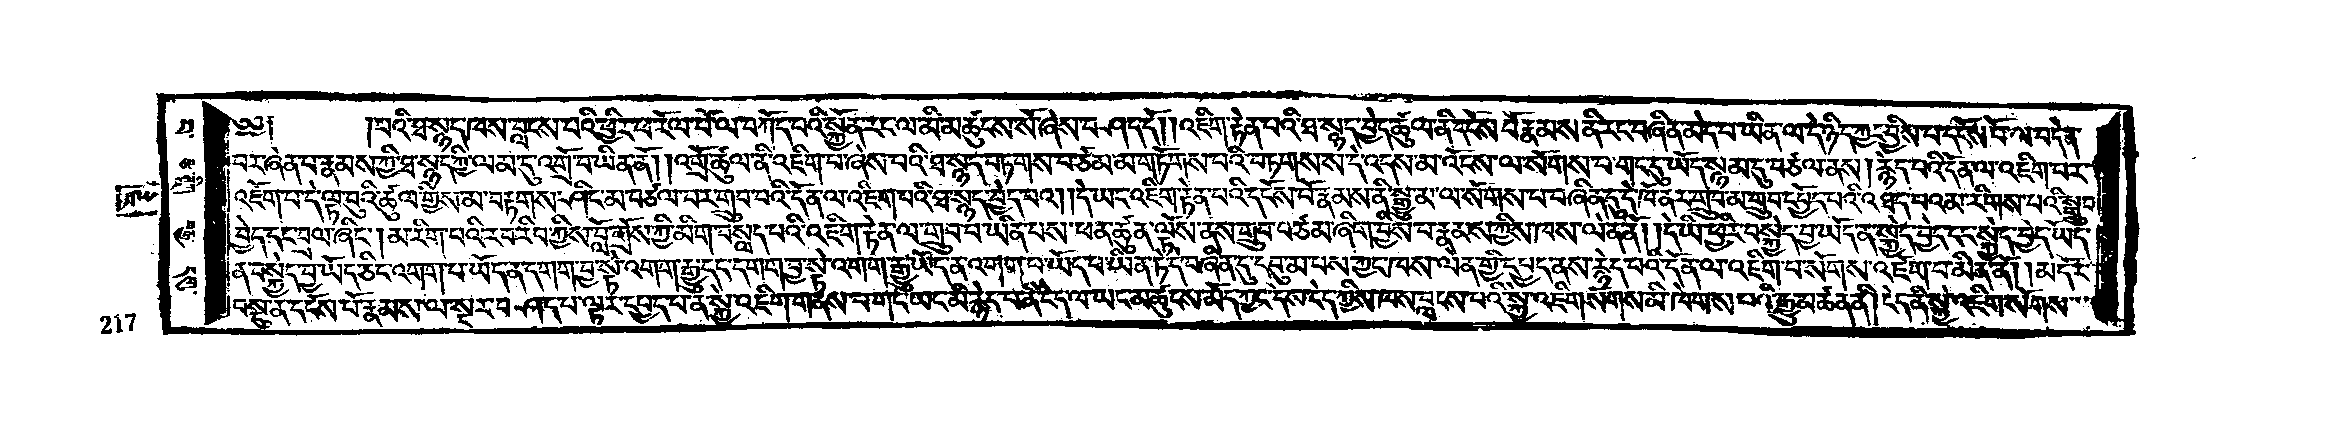༄༅། །པའི་ཐ་སྙད་ཁས་བླངས་པའི་ཕྱིར་ཕ་རོལ་པོ་ལ་བཀོད་པའི་སྐྱོན་རང་ལ་མི་མཚུངས་སོ་ཞེས་བཤད་དོ། །འཇིག་རྟེན་པའི་ཐ་སྙད་བྱེད་ཚུལ་ནི་དངོས་པོ་རྣམས་ནི་རང་བཞིན་མེད་པ་ཡིན་ལ་དེ་ཉིད་ཀྱང་བྱིས་པ་དངོས་པོ་ལ་བདེན་
པར་ཞེན་པ་རྣམས་ཀྱི་ཐ་སྙད་ཀྱི་ལམ་དུ་འགྲོ་བ་ཡིན་ནོ། །འགྲོ་ཚུལ་ནི་འཇིག་པ་ཞེས་པའི་ཐ་སྙད་བཏགས་པ་ཙམ་མ་གཏོགས་པའི་བཏགས་ས་དེ་འདས་མ་འོངས་ལ་སོགས་པ་གང་དུ་ཡོད་སྙམ་དུ་བཙལ་ནས། རྙེད་པའི་དོན་ལ་འཇིག་པར་
འཇོག་པ་དེ་ལྟ་བུའི་ཚུལ་གྱིས་མ་བརྟགས་ཤིང་མ་བཙལ་བར་གྲུབ་པའི་དོན་ལ་འཇིག་པའི་ཐ་སྙད་བྱེད་པའ། །དེ་ཡང་འཇིག་རྟེན་པའི་དངོས་པོ་རྣམས་ནི་སྒྱུ་མ་ལ་སོགས་པ་བཞིན་དུ་དེ་ཁོ་ནར་གྲུབ་མ་གྲུབ་དཔྱོད་པའི་འཐད་པའམ་རིགས་པའི་སྒྲུབ་
བྱེད་དང་བྲལ་ཞིང་། མ་རིག་པའི་རབ་རིབ་ཀྱིས་བློ་གྲོས་ཀྱི་མིག་བསླད་པའི་འཇིག་རྟེན་ལ་གྲུབ་པ་ཡིན་པས་ཕན་ཆུན་ལྟོས་ནས་གྲུབ་པ་ཙམ་ཞིག་བྱིས་པ་རྣམས་ཀྱིས་ཁས་ལེན་ནོ། །དེ་ཡི་ཕྱིར་བསྐྱེད་བྱ་ཡོད་ན་སྐྱེད་བྱེད་དང་སྐྱེད་བྱེད་ཡོད་
ན་བསྐྱེད་བྱ་ཡོད་ཅིང་འགག་པ་ཡོད་ན་དགག་བྱ་སྟེ་འགག་རྒྱུ་དང་དགག་བྱ་སྟེ་འགག་རྒྱུ་ཡོད་ན་འགག་པ་ཡོད་པ་ཡིན་ཏེ་དེ་བཞིན་དུ་དབུ་མ་པས་ཀྱང་ཁས་ལེན་གྱི་དཔྱད་ནས་རྙེད་པའི་དོན་ལ་འཇིག་པ་སོགས་འཇོག་པ་མིན་ནོ། །མདོར་
བསྡུ་ན་དངོས་པོ་རྣམས་ལ་སྔར་བཤད་པ་ལྟར་དཔྱད་པ་ན་སྐྱེ་འཇིག་གནས་པ་གང་ཡང་མི་རྙེད་པ་ནི་ངེད་ལ་ཡང་མཚུངས་མོད་ཀྱང་དེས་ངེད་ཀྱིས་ཁས་བླངས་པའི་སྐྱེ་འཇིག་སོགས་མི་ཁེགས་པའི་རྒྱུ་མཚན་ནི། ངེད་ནི་སྐྱེ་འཇིག་སོགས་